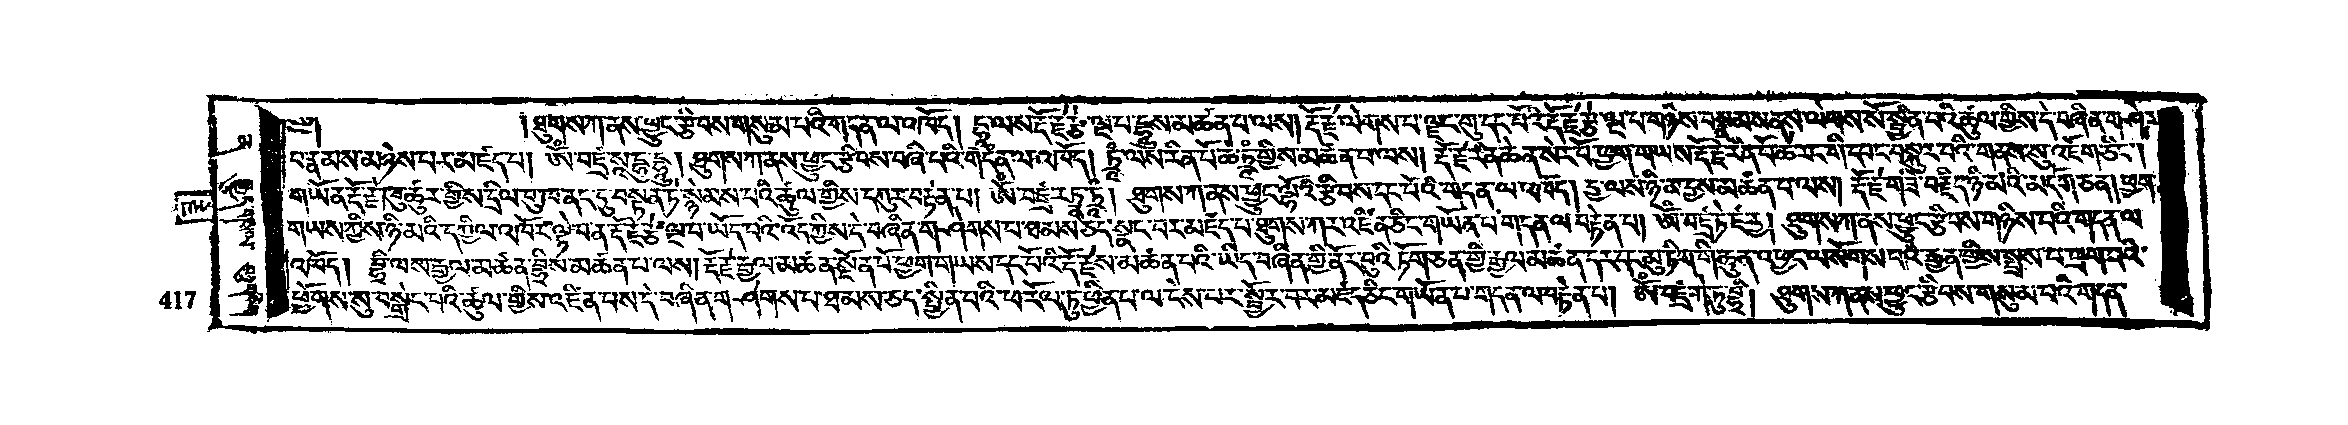༄༅། །ཐུགས་ཀ་ནས་ཕྱུང་རྩིབས་གསུམ་པའི་གདན་ལ་འཁོད། དྷཱུ་ལས་རྡོ་རྗེ་རྩེ་ལྔ་པ་དྷཱུས་མཚན་པ་ལས། རྡོ་རྗེ་ལེགས་པ་ལྗང་གུ་དང་པོའི་རྡོ་རྗེ་རྩེ་ལྔ་པ་གཉིས་བསྣམས་ནས་ལེགས་སོ་སྦྱིན་པའི་ཚུལ་གྱིས་དེ་བཞིན་གཤེགས་
པ་རྣམས་མཉེས་པར་མཛད་པ། ཨོཾ་བཛྲ་སཱ་དྷུ་དྷཱུ། ཐུགས་ཀ་ནས་ཕྱུང་རྩིབས་བཞི་པའི་གདན་ལ་འཁོད། ཏྲཱཾ་ལས་རིན་པོ་ཆེ་ཏྲཱཾ་གྱིས་མཚན་པ་ལས། རྡོ་རྗེ་རིན་ཆེན་སེར་པོ་ཕྱག་གཡས་རྡོ་རྗེ་རིན་པོ་ཆེ་རང་གི་དབང་བསྐུར་བའི་གནས་སུ་འཇོག་ཅིང་།
གཡོན་རྡོ་རྗེ་ཁུ་ཚུར་གྱིས་དྲིལ་བུ་ཁ་ནང་དུ་བསྟན་ཏེ་སྙེམས་པའི་ཚུལ་གྱིས་དཀུར་བརྟེན་པ། ཨོཾ་བཛྲ་རཏྣ་ཏྲཱཾ། ཐུགས་ཀ་ནས་ཕྱུང་ལྷོའི་རྩིབས་དང་པོའི་གདན་ལ་འཁོད། དྱ་ལས་ཉི་མ་དཡས་མཚན་པ་ལས། རྡོ་རྗེ་གཟི་བརྗིད་ཉི་མའི་མདོག་ཅན། ཕྱག་
གཡས་ཀྱིས་ཉི་མའི་དཀྱིལ་འཁོར་ལྟེ་བ་ན་རྡོ་རྗེ་རྩེ་ལྔ་པ་ཡོད་པའི་འོད་ཀྱིས་དེ་བཞིན་གཤེགས་པ་ཐམས་ཅད་སྣང་བར་མཛད་པ་ཐུགས་ཀར་འཛིན་ཅིང་གཡོན་པ་གདན་ལ་བརྟེན་པ། ཨོཾ་བཛྲ་ཏེ་ཛ་རྱ། ཐུགས་ཀ་ནས་ཕྱུང་རྩིབས་གཉིས་པའི་གདན་ལ་
འཁོད། བྷྲཾ་ལས་རྒྱལ་མཚན་བྷྲིས་མཚན་པ་ལས། རྡོ་རྗེ་རྒྱལ་མཚན་སྔོན་པོ་ཕྱག་གཡས་དང་པོའི་རྡོ་རྗེས་མཚན་པའི་ཡིད་བཞིན་གྱི་ནོར་བུའི་ཏོག་ཅན་གྱི་རྒྱལ་མཚན་དར་དང་མུ་ཏིག་གི་ཚུན་འཕྱང་ལ་སོགས་པའི་རྒྱན་གྱིས་སྤྲས་པ་ཕྲག་པའི་
ཕྱོགས་སུ་བསྒྲེང་པའི་ཚུལ་གྱིས་འཛིན་པས་དེ་བཞིན་གཤེགས་པ་ཐམས་ཅད་སྦྱིན་པའི་ཕ་རོལ་ཏུ་ཕྱིན་པ་ལ་ངེས་པར་སྦྱོར་བར་མཛད་ཅིང་གཡོན་པ་གདན་ལ་བརྟེན་པ། ཨོཾ་བཛྲ་ཀེ་ཏུ་བྷྲི། ཐུགས་ཀ་ནས་ཕྱུང་རྩིབས་གསུམ་པའི་གདན་